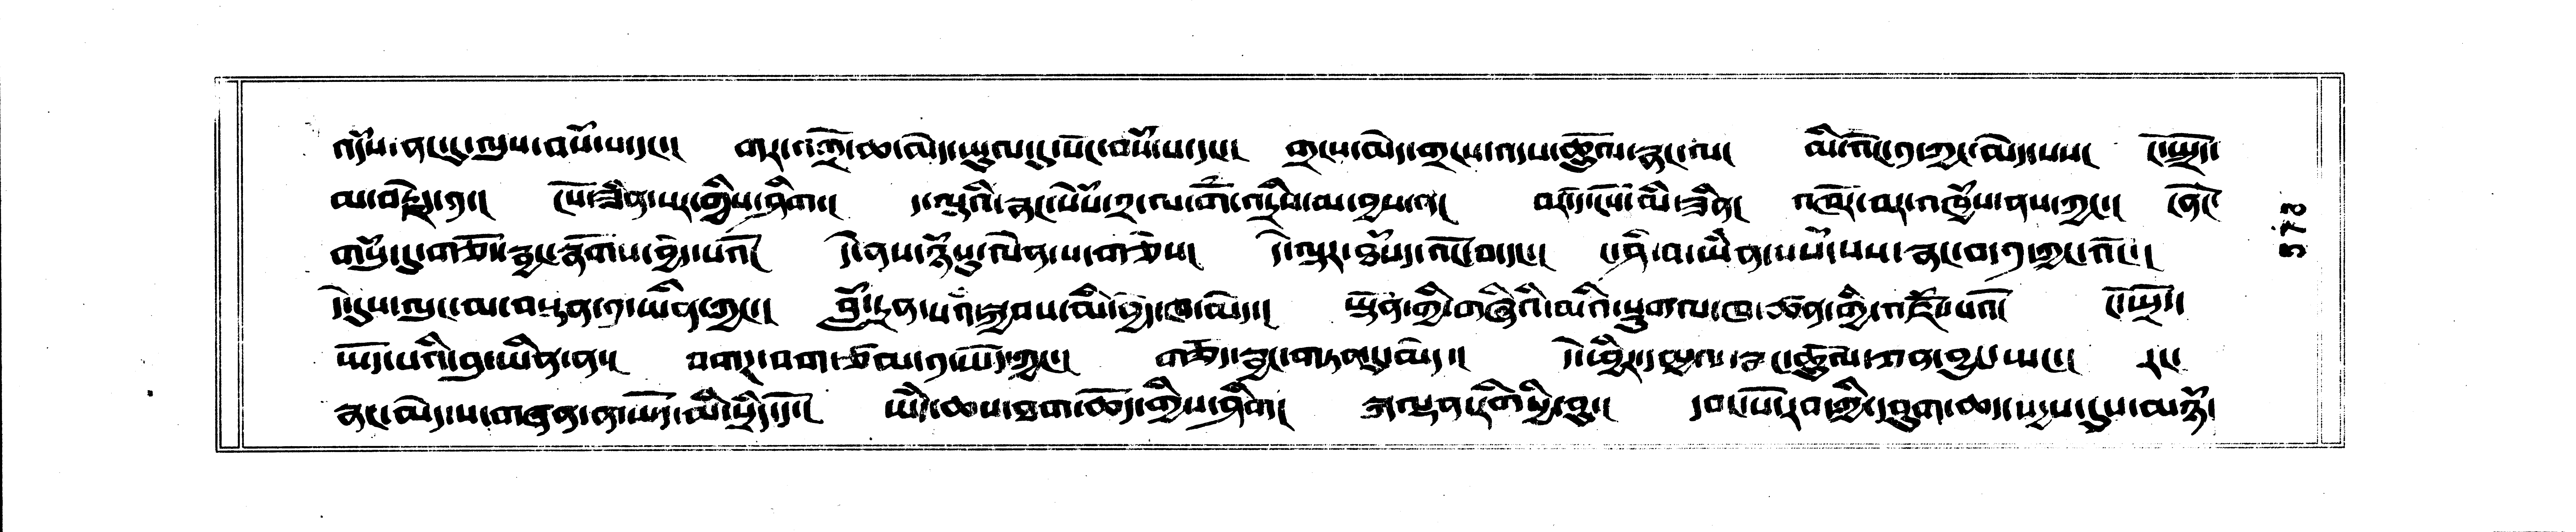ནང་དུ་ལུས་བསམ་པ་དང་། གར་འགྲོ་ཆ་མེད་ཡུལ་དུ་སོང་བ་བསམ་པ་དང་། ཚད་མེད་གྲངས་འདས་ཆོ་འཕྲུལ་སྣང་ལ། མི་འོང་ཅིག་ཀྱང་མེད་པས། ངོ་སྤྲོད་
མ་བརྗེད་ཅིག ངོས་ཟིན་པར་གྱིས་ཤིག ད་ལྟའི་སྣང་སེམས་གཉིས་ལ་གོས་འདྲིས་མ་བྱས་ན་བར་དོ་ངོས་མི་ཟིན། འཁོར་བར་འཁྱམས་ནས་ཀྱང་། ངན་སོང་
གསུམ་དུ་གཅོད་སྦྱོང་སྣ་ཚོགས་བྱེད་པའོ། དེ་ནས་ཉམས་སུ་ལེན་པ་གཅེས། དེ་ལྟར་ཐམས་ཅད་འོང་པ་དང་། ང་ཤི་བ་ཡིན་བསམ་པའི་སྣང་བ་ཅིག་ཀྱང་འོང་། 
དེ་དུས་ལུང་མ་བསྟན་པ་ཅིག་ཡིན་ཀྱང་། བླ་མ་དྲན་པའི་སྐྱབས་སེམས་མི་བྱེད་ཁ་མེད། ཡོན་ཏན་གྱི་གཞི་མའི་སྡུག་བསྔལ་ཁ་ཚན་གྱི་འཇོམས་པའོ། ངོ་སྤྲོད་
ཡོད་པའི་བུ་ཡིན་ན། བག་ཆགས་བག་ཙམ་ཅིག་ཡོད་ཀྱང་། གཅོད་སྦྱོངས་གཏན་དུ་མེད། དེ་ཕྱིར་མྱལ་སྣང་ཆོ་འཕྲུལ་ཅི་བྱུང་ཡང་། རང་
སྣང་མེན་པ་གཞན་ན་ཡོད་མི་སྲིད་དོ། ཡིད་ཆེས་ཐག་ཆོད་ཀྱི་༼གྱིས༽ཤིག སྐལ་ལྡན་རིགས་ཀྱི་བུ། དབང་པོ་རབ་ཀྱི་དབུགས་ཆད་སངས་རྒྱས་དུས་མཉམ་